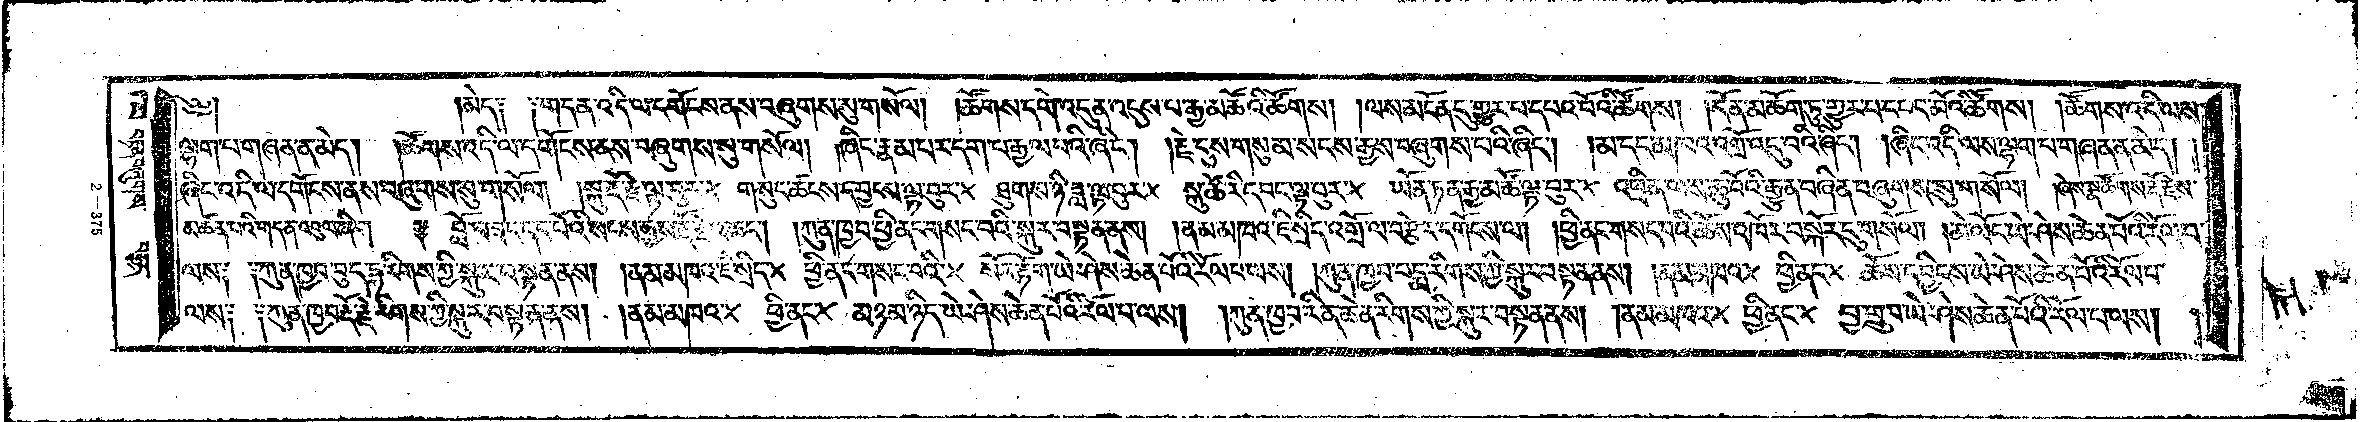༄༅། །མེད༑ ༑གདན་འདི་ལ་དགོངས་ནས་བཞུགས་སུ་གསོལ། །ཚོགས་དགེ་འདུན་འདུས་པ་རྒྱ་མཚོའི་ཚོགས། །ལས་མངོན་དུ་གྱུར་པ་དཔའ་བོའི་ཚོགས། །དོན་མཆོག་ཏུ་གྱུར་པ་དབང་མོའི་ཚོགས། །ཚོགས་འདི་ལས་
ལྷག་པ་གཞན་ན་མེད། །ཚོགས་འདི་ལ་དགོངས་ནས་བཞུགས་སུ་གསོལ། །ཞིང་རྣམ་པར་དག་པ་རྒྱལ་པའི་ཞིང་། །རྗེ་དུས་གསུམ་སངས་རྒྱས་བཞུགས་པའི་ཞིང་། །མ་དང་མཁའ་འགྲོ་འདུ་བའི་ཞིང་། །ཞིང་འདི་ལས་ལྷག་པ་གཞན་ན་མེད། །
ཞིང་འདི་ལ་དགོངས་ནས་བཞུགས་སུ་གསོལ། །སྐུ་རྡོ་རྗེ་ལྟ་བུར྾་གསུང་ཚངས་དབྱངས་ལྟ་བུར྾་ཐུགས་ཉི་ཟླ་ལྟ་བུར྾་སྐུ་ཚེ་རི་དབང་ལྟ་བུར྾་ཡོན་ཏན་རྒྱ་མཚོ་ལྟ་བུར྾་འཕྲིན་ལས་ཆུ་བོའི་རྒྱུན་བཞིན་བཞུགས་སུ་གསོལ། །ཞེས་སྣ་ཚོགས་རྡོ་རྗེས་
མཚན་པའི་གདན་འབུལ་ཞིང་། ༈ བློ་བཟང་དང་པོའི་སངས་རྒྱས་རྡོ་རྗེ་འཆང་། །ཀུན་ཁྱབ་ཕྱི་ནང་གསང་བའི་སྐུར་བསྟན་ནས། །ནམ་མཁའ་ཇི་སྲིད་འགྲོ་ལ་བརྩེར་དགོངས་ལ། །ཕྱི་ནང་གསང་བའི་ཆོས་འཁོར་བསྐོར་དུ་གསོལ། །མེ་ལོང་ཡེ་ཤེས་ཆེན་པོའི་རོལ་བ་
ལས༑ ༑ཀུན་ཁྱབ་བུད་དྷ་རིགས་ཀྱི་སྐུར་བསྟན་ནས། །ནམ་མཁའ་ཇི་སྲིད྾་ཕྱི་ནང་གསང་བའི྾་སོར་རྟོག་ཡེ་ཤེས་ཆེན་པོའི་རོལ་པ་ལས། །ཀུན་ཁྱབ་པདམ་རིགས་ཀྱི་སྐུར་བསྟན་ནས། །ནམ་མཁའ྾་ཕྱི་ནང྾་ཆོས་དབྱིངས་ཡེ་ཤེས་ཆེན་པོའི་རོལ་པ་
ལས༑ ༑ཀུན་ཁྱབ་རྡོ་རྗེ་རིགས་ཀྱི་སྐུར་བསྟན་ནས། །ནམ་མཁའ྾་ཕྱི་ནང྾་མཉམ་ཉིད་ཡེ་ཤེས་ཆེན་པོའི་རོལ་པ་ལས། །ཀུན་ཁྱབ་རིན་ཆེན་རིགས་ཀྱི་སྐུར་བསྟན་ནས། །ནམ་མཁའ྾་ཕྱི་ནང྾་བྱ་གྲུབ་ཡེ་ཤེས་ཆེན་པོའི་རོལ་པ་ལས། །